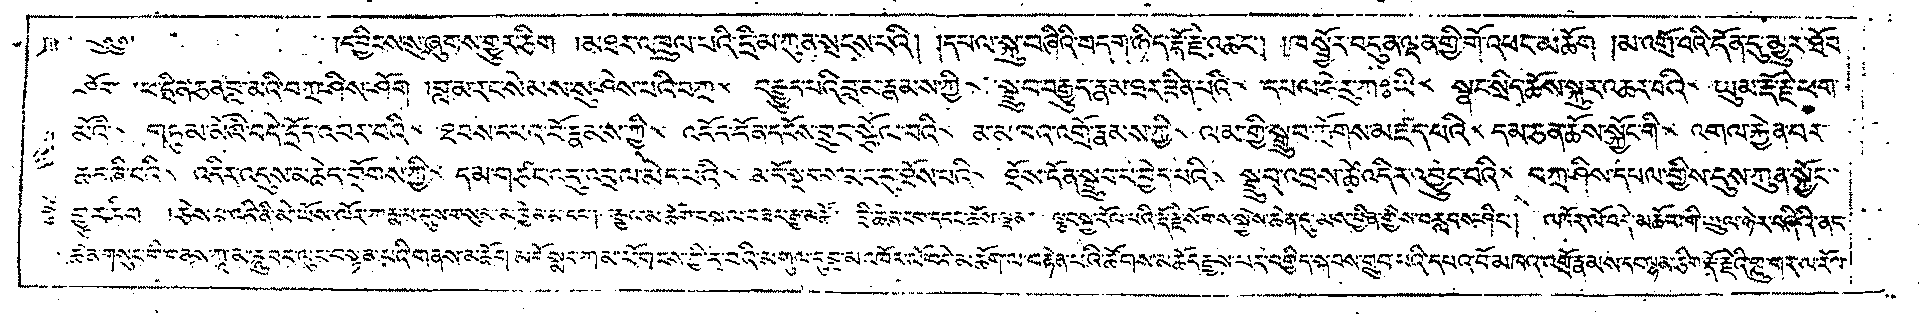༄༅། །དབྱིངས་སུ་ཞུགས་གྱུར་ཅིག །མཐར་འཁྲུལ་པའི་དྲི་མ་ཀུན་སྤངས་པའི། །དཔལ་སྐུ་བཞིའི་བདག་ཉིད་རྡོ་རྗེ་འཆང་། །ཁ་སྦྱོར་བདུན་ལྡན་གྱི་གོ་འཕང་མཆོག །མ་འགྲོ་བའི་དོན་དུ་མྱུར་ཐོབ་
ཤོག །ཕ་དྲིན་ཅན་བླ་མའི་བཀྲ་ཤིས་ཤོག །བླ་མ་རང་སེམས་སུ་ཤེས་པའི་བཀྲ་྾་བརྒྱུད་པའི་བླ་མ་རྣམས་ཀྱི་྾་སྒྲུབ་བརྒྱུད་རྣམ་ཐར་ཟིན་པའི་྾་དཔལ་ཧེ་རུ་ཀཿ ཡི་྾་སྣང་སྲིད་ཆོས་སྐུར་འཆར་བའི་྾་ཡུམ་རྡོ་རྗེ་ཕག་
མོའི་྾་གཏུམ་མོའི་བདེ་དྲོད་འབར་བའི་྾་ཐབས་དཔའ་བོ་རྣམས་ཀྱི་྾་འདོད་དོན་དངོས་གྲུབ་སྩོལ་བའི་྾་མ་མཁའ་འགྲོ་རྣམས་ཀྱི་྾་ལམ་གྱི་སྒྲུབ་གྲོགས་མཛད་པའི་྾་དམ་ཅན་ཆོས་སྐྱོང་གི་྾་འགལ་རྐྱེན་བར་
ཆད་ཞི་བའི་྾་འདིར་འདུས་མཆེད་གྲོགས་ཀྱི་྾་དམ་གཙང་འདུ་འབྲལ་མེད་པའི་྾་མདོ་སྔགས་མང་དུ་ཐོས་པའི་྾་ཐོས་དོན་སྒྲུབ་པ་བྱེད་པའི་྾་སྒྲུབ་འབྲས་ཚེ་འདིར་འབྱུང་བའི་྾་བཀྲ་ཤིས་དཔལ་གྱིས་དུས་ཀུན་སྐྱོང་
གྱུར་ཅིག །ཅེས་པ་འདི་ནི་མེ་ཡོས་ལོར་ཀརྨ་པ་དུས་གསུམ་མཁྱེན་པ་དང་། ༧རྒྱལ་མཆོག་བསྐལ་བཟང་རྒྱ་མཚོ། ཁྲི་ཆེན་ངག་དབང་ཆོས་ལྡན། ལྕང་སྐྱ་རོལ་པའི་རྡོ་རྗེ་སོགས་སྐྱེས་ཆེན་དུ་མས་བྱིན་གྱིས་བརླབས་ཤིང་། འཁོར་ལོ་བདེ་མཆོག་གི་ཡུལ་ཉེར་བཞིའི་ནང་
ཚན་གསུང་གི་གནས་ཀཱ་མ་རཱུ་བར་ལུང་བསྟན་པའི་གནས་མཆོག་མདོ་སྨད་ཀམ་པོ་གངས་ཀྱི་རྭ་བའི་མགུལ་དུ་བླ་མ་འཁོར་ལོ་བདེ་མཆོག་ལ་བརྟེན་པའི་ཚོགས་མཆོད་རྒྱས་པར་བགྱིད་སྐབས་གྲུབ་པའི་དཔའ་བོ་མཁའ་འགྲོ་རྣམས་དང་ལྷན་ཅིག་རྡོ་རྗེའི་གླུ་གར་ལ་རོལ་